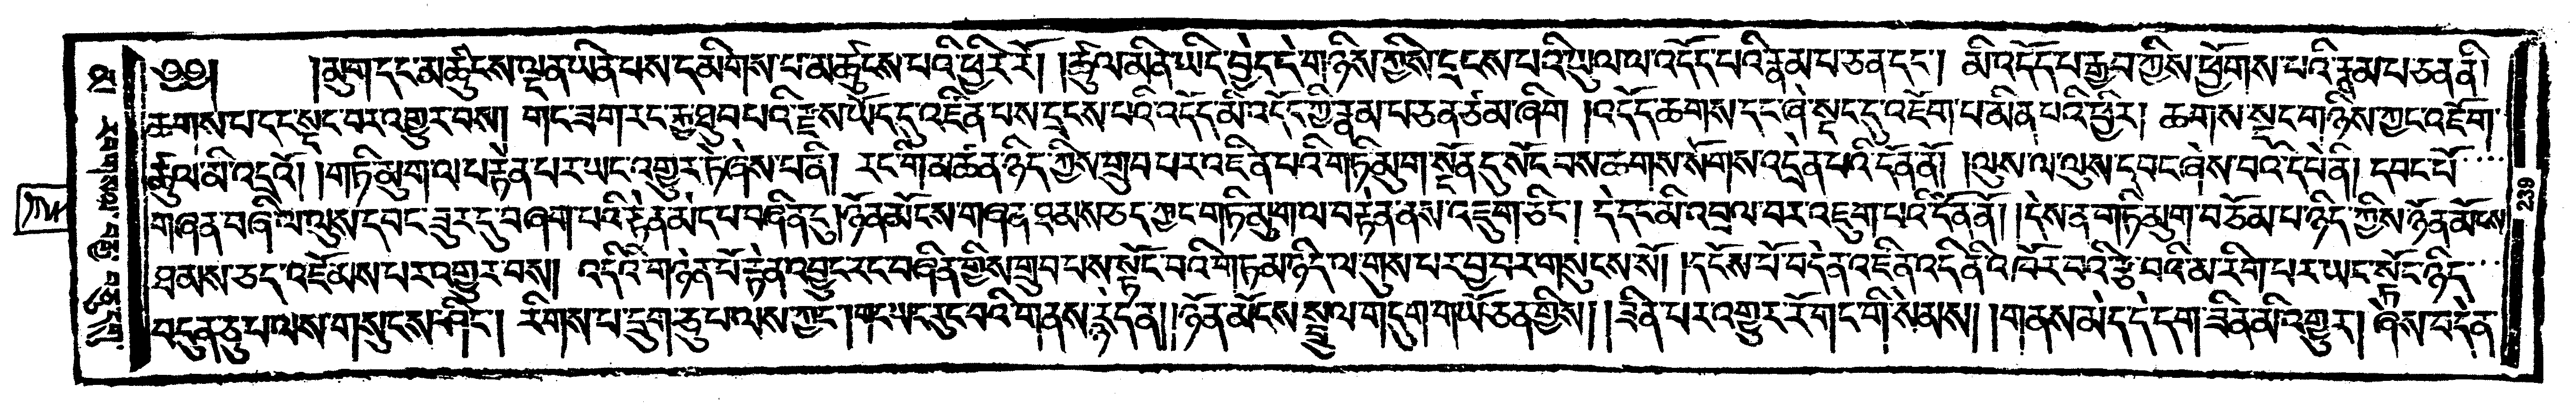༄༅། །མུག་དང་མཚུངས་ལྡན་ཡིན་པས་དམིགས་པ་མཚུངས་པའི་ཕྱིར་རོ། །ཚུལ་མིན་ཡིད་བྱེད་དེ་གཉིས་ཀྱིས་དྲངས་པའི་ཡུལ་ལ་འདོད་པའི་རྣམ་པ་ཅན་དང་། མི་འདོད་པ་རྒྱབ་ཀྱིས་ཕྱོགས་པའི་རྣམ་པ་ཅན་ནི།
ཆགས་པ་དང་སྡང་བར་འགྱུར་བས། གང་ཟག་རང་རྐྱ་ཐུབ་པའི་རྫས་ཡོད་དུ་འཛིན་པས་དྲངས་པའི་འདོད་མི་འདོད་ཀྱི་རྣམ་པ་ཅན་ཙམ་ཞིག །འདོད་ཆགས་དང་ཞེ་སྡང་དུ་འཇོག་པ་མིན་པའི་ཕྱིར། ཆགས་སྡང་གཉིས་ཀྱང་འཇོག་
ཚུལ་མི་འདྲའོ། །གཏི་མུག་ལ་བརྟེན་པར་ཡང་འགྱུར་ཏེ་ཞེས་པ་ནི། རང་གི་མཚན་ཉིད་ཀྱིས་གྲུབ་པར་འཛིན་པའི་གཏི་མུག་སྔོན་དུ་སོང་བས་ཆགས་སོགས་འདྲེན་པའི་དོན་ནོ། །ལུས་ལ་ལུས་དབང་ཞེས་པའི་དཔེ་ནི། དབང་པོ་
གཞན་བཞི་ལ་ལུས་དབང་ཟུར་དུ་བཞག་པའི་རྟེན་མེད་པ་བཞིན་དུ། ཉོན་མོངས་གཞན་ཐམས་ཅད་ཀྱང་གཏི་མུག་ལ་བརྟེན་ནས་འཇུག་ཅིང་། དེ་དང་མི་འབྲལ་བར་འཇུག་པའི་དོན་ནོ། །དེས་ན་གཏི་མུག་བཅོམ་པ་ཉིད་ཀྱིས་ཉོན་མོངས་
ཐམས་ཅད་འཇོམས་པར་འགྱུར་བས། འདིའི་གཉེན་པོ་རྟེན་འབྱུང་རང་བཞིན་གྱིས་གྲུབ་པས་སྟོང་པའི་གཏམ་ཉིད་ལ་གུས་པར་བྱ་བར་གསུངས་སོ། །དངོས་པོ་བདེན་འཛིན་འདི་ནི་འཁོར་བའི་རྩ་བའི་མ་རིག་པར་ཡང་སྟོང་ཉིད་
བདུན་ཅུ་པ་ལས་གསུངས་ཤིང་། རིགས་པ་དྲུག་ཅུ་པ་ལས་ཀྱང་། གང་ཡང་རུང་བའི་གནས་རྙེད་ན། །ཉོན་མོངས་སྦྲུལ་གདུག་གཡོ་ཅན་གྱིས། །ཟིན་པར་འགྱུར་རོ་གང་གི་སེམས། །གནས་མེད་དེ་དག་ཟིན་མི་འགྱུར། ཞེས་བདེན་